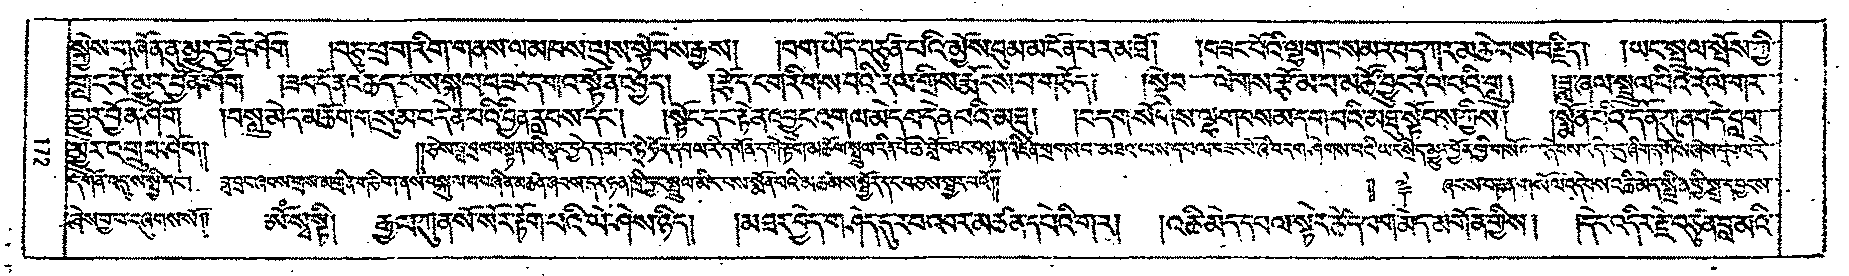སྐྱེས་གཞོན་ནུ་མྱུར་བྱོན་ཤོག །བཅུ་ཕྲག་རིག་གནས་ལ་མཁས་ལུས་སྟོབས་རྒྱས། །བག་ཡོད་བཙུན་པའི་མྱོས་བུམ་མངོན་པར་མཐོ། །བཟང་པོའི་ལྷག་བསམ་རབ་དཀར་མཆེ་བས་བརྗིད། །ཡང་སྤྲུལ་སྤོས་ཀྱི་
གླང་པོ་མྱུར་བྱོན་ཤོག །ཟབ་དོན་འཆད་པས་སྐལ་བཟང་དགའ་སྟོན་འབྱེད། །རྩོད་ངག་རིགས་པའི་རལ་གྲིས་རྨོངས་པ་གཅོད། །སྡེབ་ལེགས་རྩོམ་པ་མཚོ་བྱུང་རོལ་པའི་གླུ། །ཟླ་ཞལ་སྤྲུལ་པའི་རོལ་གར་
མྱུར་བྱོན་ཤོག །བསླུ་མེད་མཆོག་གསུམ་བདེན་པའི་བྱིན་རླབས་དང་། །སྟོང་དང་རྟེན་འབྱུང་འགལ་མེད་བདེན་པའི་མཐུ། །བདག་སོགས་ལྷག་བསམ་དག་པའི་མཐུ་སྟོབས་ཀྱིས། །སྨོན་པའི་དོན་ཀུན་བདེ་བླག་
མྱུར་འགྲུབ་ཤོག ། །།ཅེས་ཟླ་བྲལ་བསྟན་པའི་སྣང་བྱེད་དམ་པ་ཏྲེ་ཧོར་དཔལ་རི་དགོན་དགེ་རྟག་མཆོག་སྤྲུལ་རིན་པོ་ཆེ་བློ་བཟང་བསྟན་འཛིན་གྲགས་པ་མཐའ་ཡས་དཔལ་བཟང་པོ་ཞི་བར་གཤེགས་པའི་ཡང་སྲིད་མྱུར་བྱོན་གྱི་གསོལ་འདེབས་འདི་འདྲ་ཞིག་དགོས་ཞེས་དཔལ་རི་
དགོན་འདུས་སྤྱི་དང་། བླ་བྲང་ཞབས་གྲས་མགྲིན་གཅིག་ནས་བསྐུལ་བ་བཞིན་མཚན་ཞབས་དར་ཧན་ཁྲི་བྱང་སྤྲུལ་མིང་པས་སྨོན་པའི་མཚམས་སྦྱོར་དང་བཅས་སྦྱར་བའོ།།། །། ༈ ཞབས་བརྟན་གསོལ་འདེབས་འཆི་མེས་སྤྲིན་གྱི་སྒྲ་དབྱངས་
ཞེས་བྱ་བ་བཞུགས་སོ།། ཨོཾ་སྭ་སྟི། རྒྱལ་ཀུན་སོ་སོར་རྟོག་པའི་ཡེ་ཤེས་ཉིད། །མཐར་བྱེད་གཤེད་དུ་རབ་འབར་མཚན་དཔེའི་གར། །འཆི་མེད་དཔལ་སྟེར་ཚེ་དཔག་མེད་མགོན་གྱིས། །དེང་འདིར་རྗེ་བཙུན་བླ་མའི་